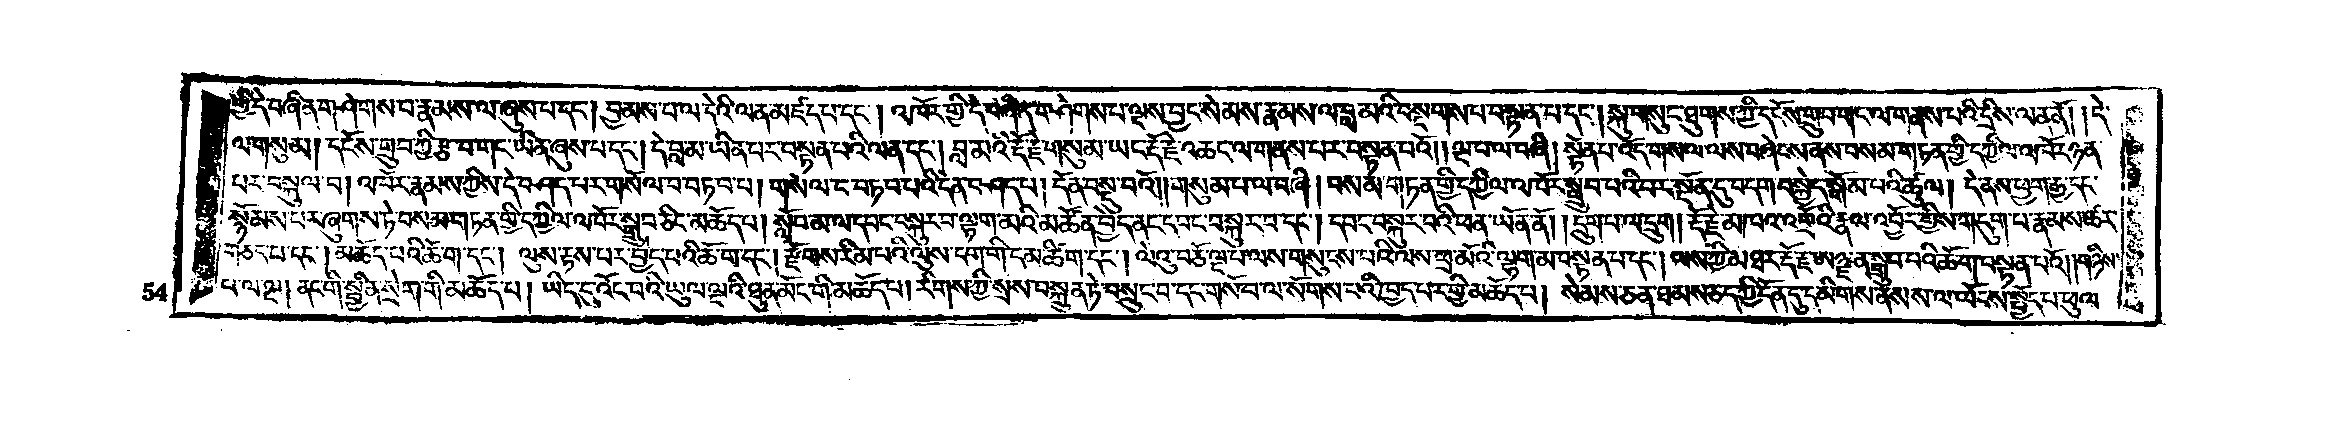གྱི་དེ་བཞིན་གཤེགས་པ་རྣམས་ལ་ཞུས་པ་དང་། བྱམས་པ་ལ་དེའི་ལན་མཛད་པ་དང་། འཁོར་གྱི་དེ་བཞིན་གཤེགས་པ་ལྔས་བྱང་སེམས་རྣམས་ལ་བླ་མའི་བསྔགས་པ་བསྟན་པ་དང་། སྐུ་གསུང་ཐུགས་ཀྱི་དངོས་གྲུབ་གང་ལ་གནས་པའི་དྲིས་ལན་ནོ། །དེ་
ལ་གསུམ། དངོས་གྲུབ་ཀྱི་རྩ་བ་གང་ཡིན་ཞུས་པ་དང་། དེ་བླ་མ་ཡིན་པར་བསྟན་པའི་ལན་དང་། བླ་མའི་རྡོ་རྗེ་གསུམ་ཡང་རྡོ་རྗེ་འཆང་ལ་གནས་པར་བསྟན་པའོ། །ལྔ་པ་ལ་བཞི། སྟོན་པ་འོད་གསལ་ལས་བཞེངས་ནས་བསམ་གཏན་གྱི་དཀྱིལ་འཁོར་ཉན་
པར་བསྐུལ་བ། འཁོར་རྣམས་ཀྱིས་དེ་བཤད་པར་གསོལ་བ་བཏབ་པ། གསོལ་བ་བཏབ་པའི་དོན་བཤད་པ། དོན་བསྡུ་བའོ། །གསུམ་པ་ལ་བཞི། བསམ་གཏན་གྱི་དཀྱིལ་འཁོར་སྒྲུབ་པའི་བར་སྔོན་དུ་བདག་བསྐྱེད་སྒོམ་པའི་ཚུལ། དེ་ནས་ཕྱག་རྒྱ་དང་
སྙོམས་པར་ཞུགས་ཏེ་བསམ་གཏན་གྱི་དཀྱིལ་འཁོར་སྒྲུབ་ཅིང་མཆོད་པ། སློབ་མ་ལ་དབང་བསྐུར་བ་ལྷག་མའི་མཚོན་བྱེད་ནང་དབང་བསྐུར་བ་དང་། དབང་བསྐུར་བའི་ཕན་ཡོན་ནོ། །དྲུག་པ་ལ་དྲུག །རྡོ་རྗེ་མཁའ་འགྲོའི་རྣལ་འབྱོར་གྱིས་གདུག་པ་རྣམས་ཚར་
གཅད་པ་དང་། མཆོད་པའི་ཆོ་ག་དང་། ལུས་རྟས་པར་བྱེད་པའི་ཆོ་ག་དང་། རྫོགས་རིམ་པའི་ལུས་ངག་གི་དམ་ཚིག་དང་། ལེའུ་བཅོ་ལྔ་པ་ལས་གསུངས་པའི་ལས་ཕྲ་མོའི་ལྷག་མ་བསྟན་པ་དང་། ལས་ཀྱི་མཐར་རྡོ་རྗེ་ཨཉྫ་ན་སྒྲུབ་པའི་ཆོ་ག་བསྟན་པའོ། །གཉིས་
པ་ལ་ལྔ། ནང་གི་སྦྱིན་སྲེག་གི་མཆོད་པ། ཡིད་དུ་འོང་བའི་ཡུལ་ལྔའི་ཐུན་མོང་གི་མཆོད་པ། རིགས་ཀྱི་སྲས་བསྐྲུན་ཏེ་བསྲུང་བ་དང་གསོ་བ་ལ་སོགས་པའི་ཁྱད་པར་གྱི་མཆོད་པ། སེམས་ཅན་ཐམས་ཅད་ཀྱི་དོན་དུ་དམིགས་ནས་ས་ལ་ལོངས་སྤྱོད་པ་ཕུལ་